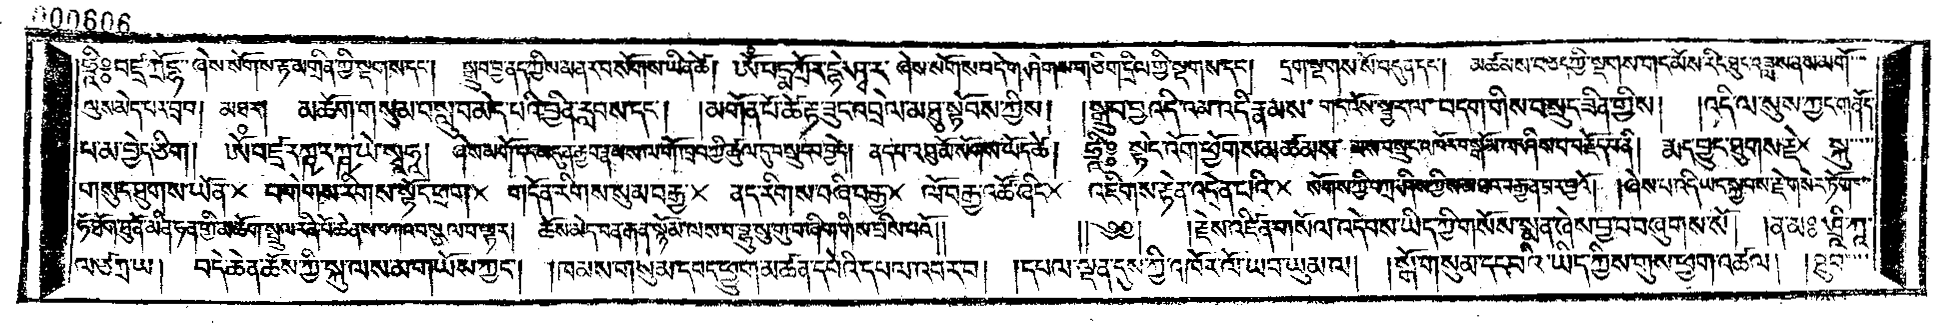ཧྲཱིཿ བཛྲ་ཀྲོདྷ་ཞེས་སོགས་རྟ་མགྲིན་གྱི་སྔགས་དང་། སྒྲུབ་བྱ་ནད་ཀྱིས་མནར་བ་སོགས་ཡིན་ཚེ།  ཨོཾ་པདམ་ཀྲོར་དྷེ་ཤྭ་ར་ཞེས་སོགས་བདེ་གཤེགས་གཅིག་དྲིལ་གྱི་སྔགས་དང་། དྲག་སྔགས་སོ་བདུན་དང་། མཚམས་བཅད་ཀྱི་སྔགས་གང་མོས་རིང་ཐུང་བཟླས་ནས་མགོ་
ལུས་མེད་པར་བྲབ། མཐར། མཆོག་གསུམ་བསླུ་བ་མེད་པའི་བྱིན་རླབས་དང་། །མགོན་པོ་ཚེ་རྟ་ཟུང་འབྲེལ་མཐུ་སྟོབས་ཀྱིས། །སྒྲུབ་བྱ་འདི་འམ་འདི་རྣམས་གང་འོས་སྦྱར་ལ་བདག་གིས་བསྲུང་ཟིན་གྱིས། །འདི་ལ་སུས་ཀྱང་གནོད་
པ་མ་བྱེད་ཅིག །ཨོཾ་བཛྲ་རཀྵ་རཀྵ་ཡེ་སྭཱ་ཧཱ། ཞེས་མགོ་དང་མདུན་རྒྱབ་རྣམས་ལ་གོ་ཁྲབ་ཀྱི་ཚུལ་དུ་བསྲུང་བ་བྱེད། ནད་པ་འཐུ་མོ་སོགས་ཡོད་ཚེ།  ཧྲཱིཿ སྟེང་འོག་ཕྱོགས་མཚམས་མས་བསྲུང་འཁོར་བསྒོམ་ལ་ཤིས་པ་བརྗོད་པ་ནི།  རྨད་བྱུང་ཐུགས་རྗེ྾་སྐུ་
གསུང་ཐུགས་ཡོན྾་བགེགས་རིགས་སྟོང་ཕྲག྾་གདོན་རིགས་སུམ་བརྒྱ྾་ནད་རིགས་བཞི་བརྒྱ྾་ལོ་བརྒྱ་འཚོ་ཞིང྾་འཇིགས་རྟེན་འདྲེན་པའི྾་སོགས་ཀྱི་བཀྲ་ཤིས་ཀྱིས་མཐའ་བརྒྱན་པར་བྱའོ། །ཞེས་པ་འདི་ཡང་སྐྱབས་རྗེ་གསེར་ཏོག་
ཧོ་ཐོག་ཐུ་ནོ་མིན་ཧན་གྱི་མཆོག་སྤྲུལ་རིན་པོ་ཆེ་ནས་བཀའ་བསྩལ་བ་ལྟར། ཆོས་མེད་བན་རྒན་སྙོམ་ལས་བ་བྷུ་སུ་གུ་བ་ཞིག་གིས་བྲིས་པའོ།། །། ༄༅། །རྗེས་འཛིན་གསོལ་འདེབས་ཡིད་ཀྱི་གསོས་སྨན་ཞེས་བྱ་བ་བཞུགས་སོ། །ན་མཿ ཤྲཱི་ཀཱ་
ལ་ཙཀྲ་ཡ། བདེ་ཆེན་ཆོས་ཀྱི་སྐུ་ལས་མ་གཡོས་ཀྱང་། །ཁམས་གསུམ་དབང་ཕྱུག་མཚན་དཔེའི་དཔལ་འབར་བ། །དཔལ་ལྡན་དུས་ཀྱི་འཁོར་ལོ་ཡབ་ཡུམ་ལ། །སྒོ་གསུམ་དང་བའི་ཡིད་ཀྱིས་གུས་ཕྱག་འཚལ། །ཐུབ་